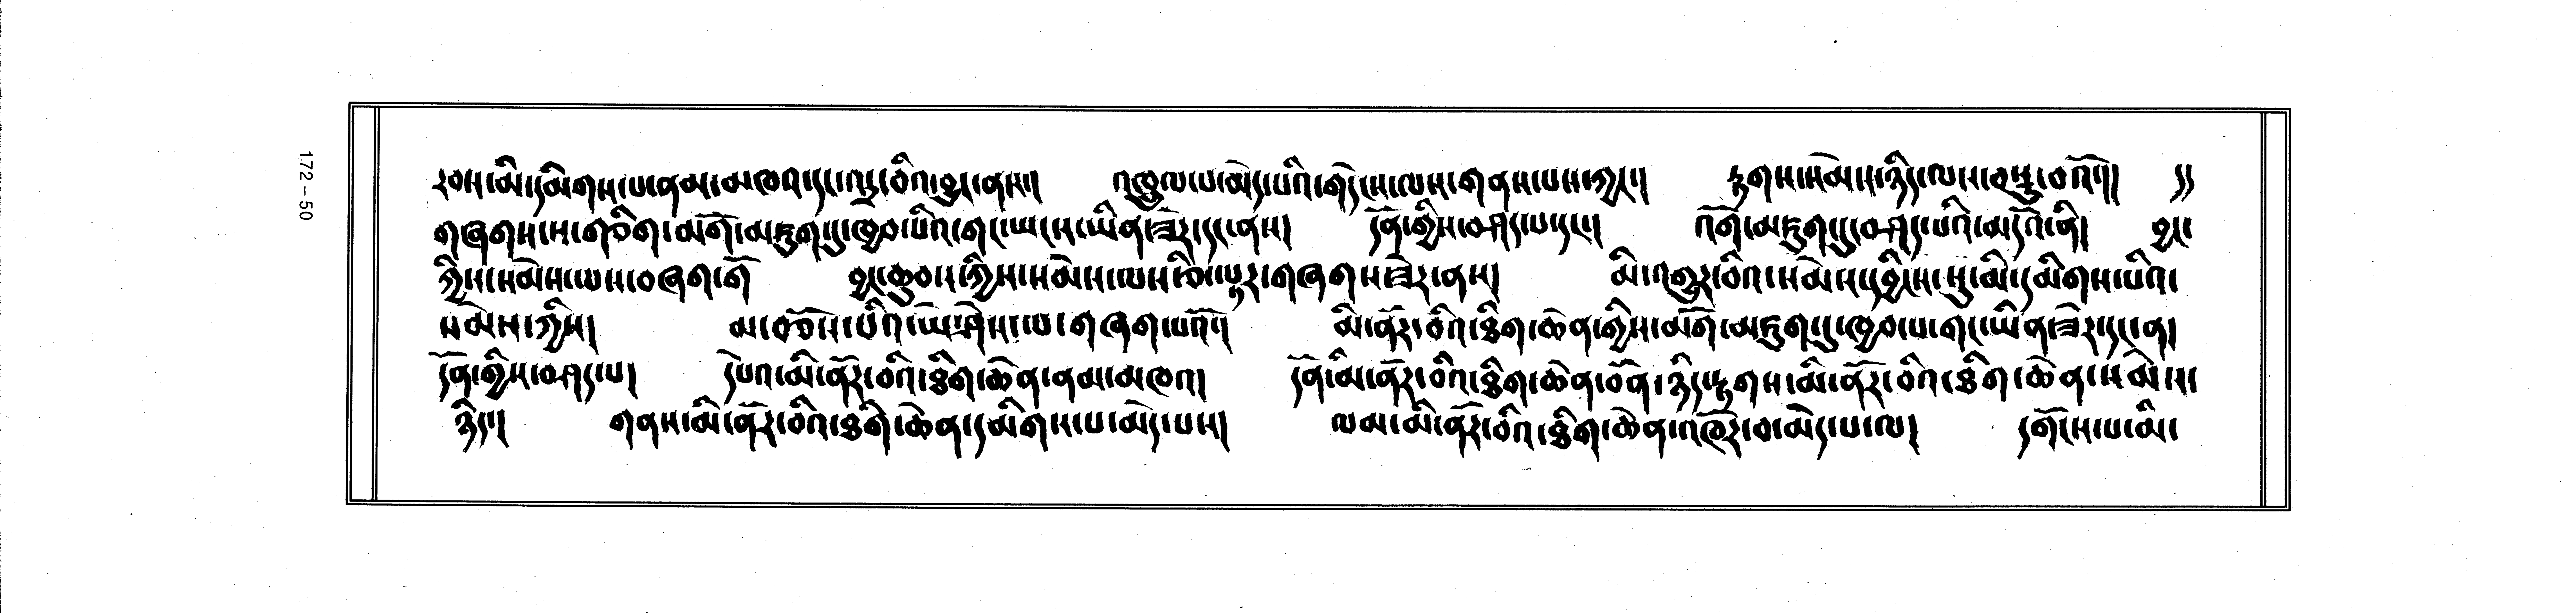རབ་མི་དམིགས་པ་ནམ་མཁའ་དང་འདྲ་བའི་བྱུང་ནས། འཁྲུལ་པ་མེད་པའི་གདེངས་ལས་གནས་པས་ཀྱང་། རྟགས་སེམས་ཉིད་ལ་བསྡུ་བའོ།། །།
གཞགས་ས་གཅིག་མགོ་མཇུག་དུ་ཁྱབ་པའི་གང་ཡང་ཡིན་ཟེར་དང་ནས། དོན་གྱིས་བཤད་པ་དང་། འོག་མཇུག་དུ་བཤད་པའི་མདོའ་ནི། བྱང་ཆུབ་
ཀྱིས་སེམས་ལས་བཞག་གོ བྱང་ཆུབ་སེམས་ཀྱིས་སེམས་ལས་ཅི་ལྟར་གཞག་ཟེར་ནས། མི་འགྱུར་བའི་སེམས་དབྱིངས་སུ་མི་དམིགས་པའི་
སེམས་ཀྱིས། མ་བཅོས་པའི་ཡེ་ཤེས་ལ་གཞག་པའོ། མི་ནོར་བའི་ཐེག་ཆེན་གྱིས་མགོ་མཇུག་དུ་ཁྱབ་པ་གང་ཡིན་ཟེར་དང་ན། 
དོན་གྱིས་བཤད་པ། དཔེའ་མི་ནོར་བའི་ཐིག་ཆེན་ནམ་མཁའ། དོན་མི་ནོར་བའི་ཐིག་ཆེན་བོན་ཉིད་རྟགས་མི་ནོར་བའི་ཐིག་ཆེན་སེམས་
ཉིད། གནས་མི་ནོར་བའི་ཐིག་ཆེན་དམིགས་པ་མེད་པས། ལམ་མི་ནོར་བའི་ཐིག་ཆེན་འཁོར་བ་མེད་པ་ལ། དགོངས་པ་མི་